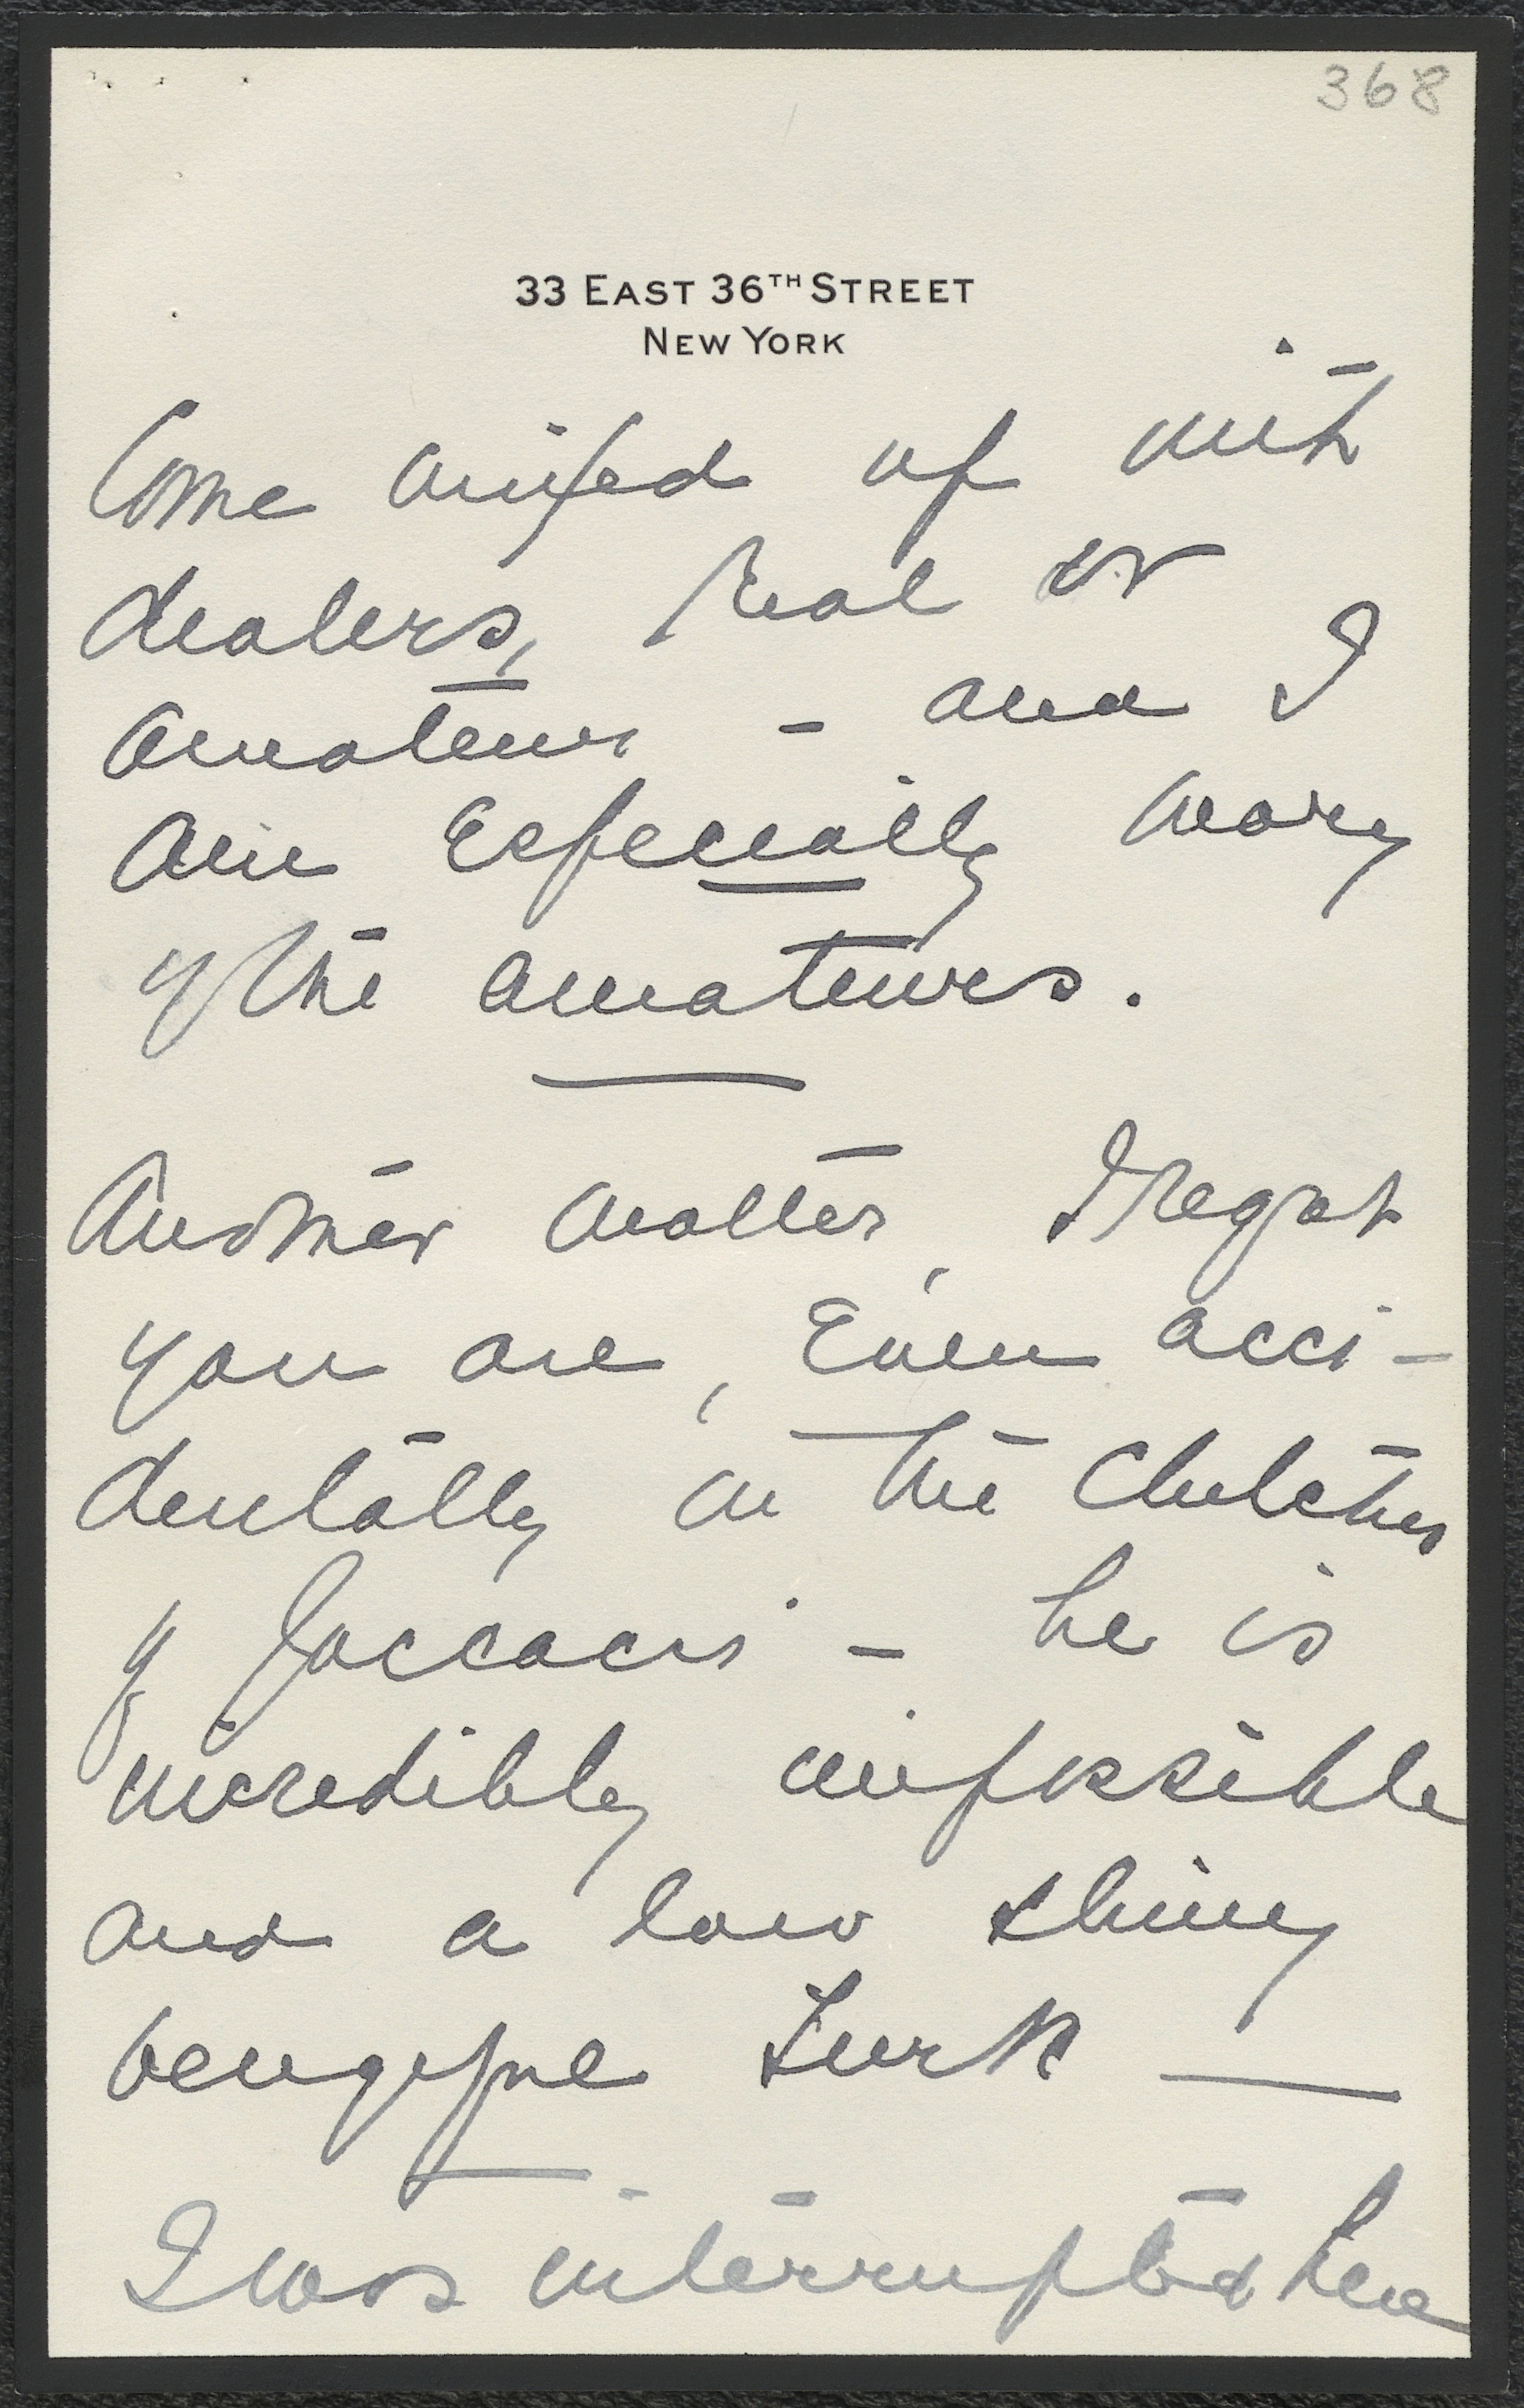mixed up with dealers, real or amateur – and I am especially wary of the amateurs.
⸺
Another matter, I regret you are, even accidentally in the clutches of Jaccaci – he is incredibly impossible and a low shiny vengeful Turk –
⸺
I was interrupted here